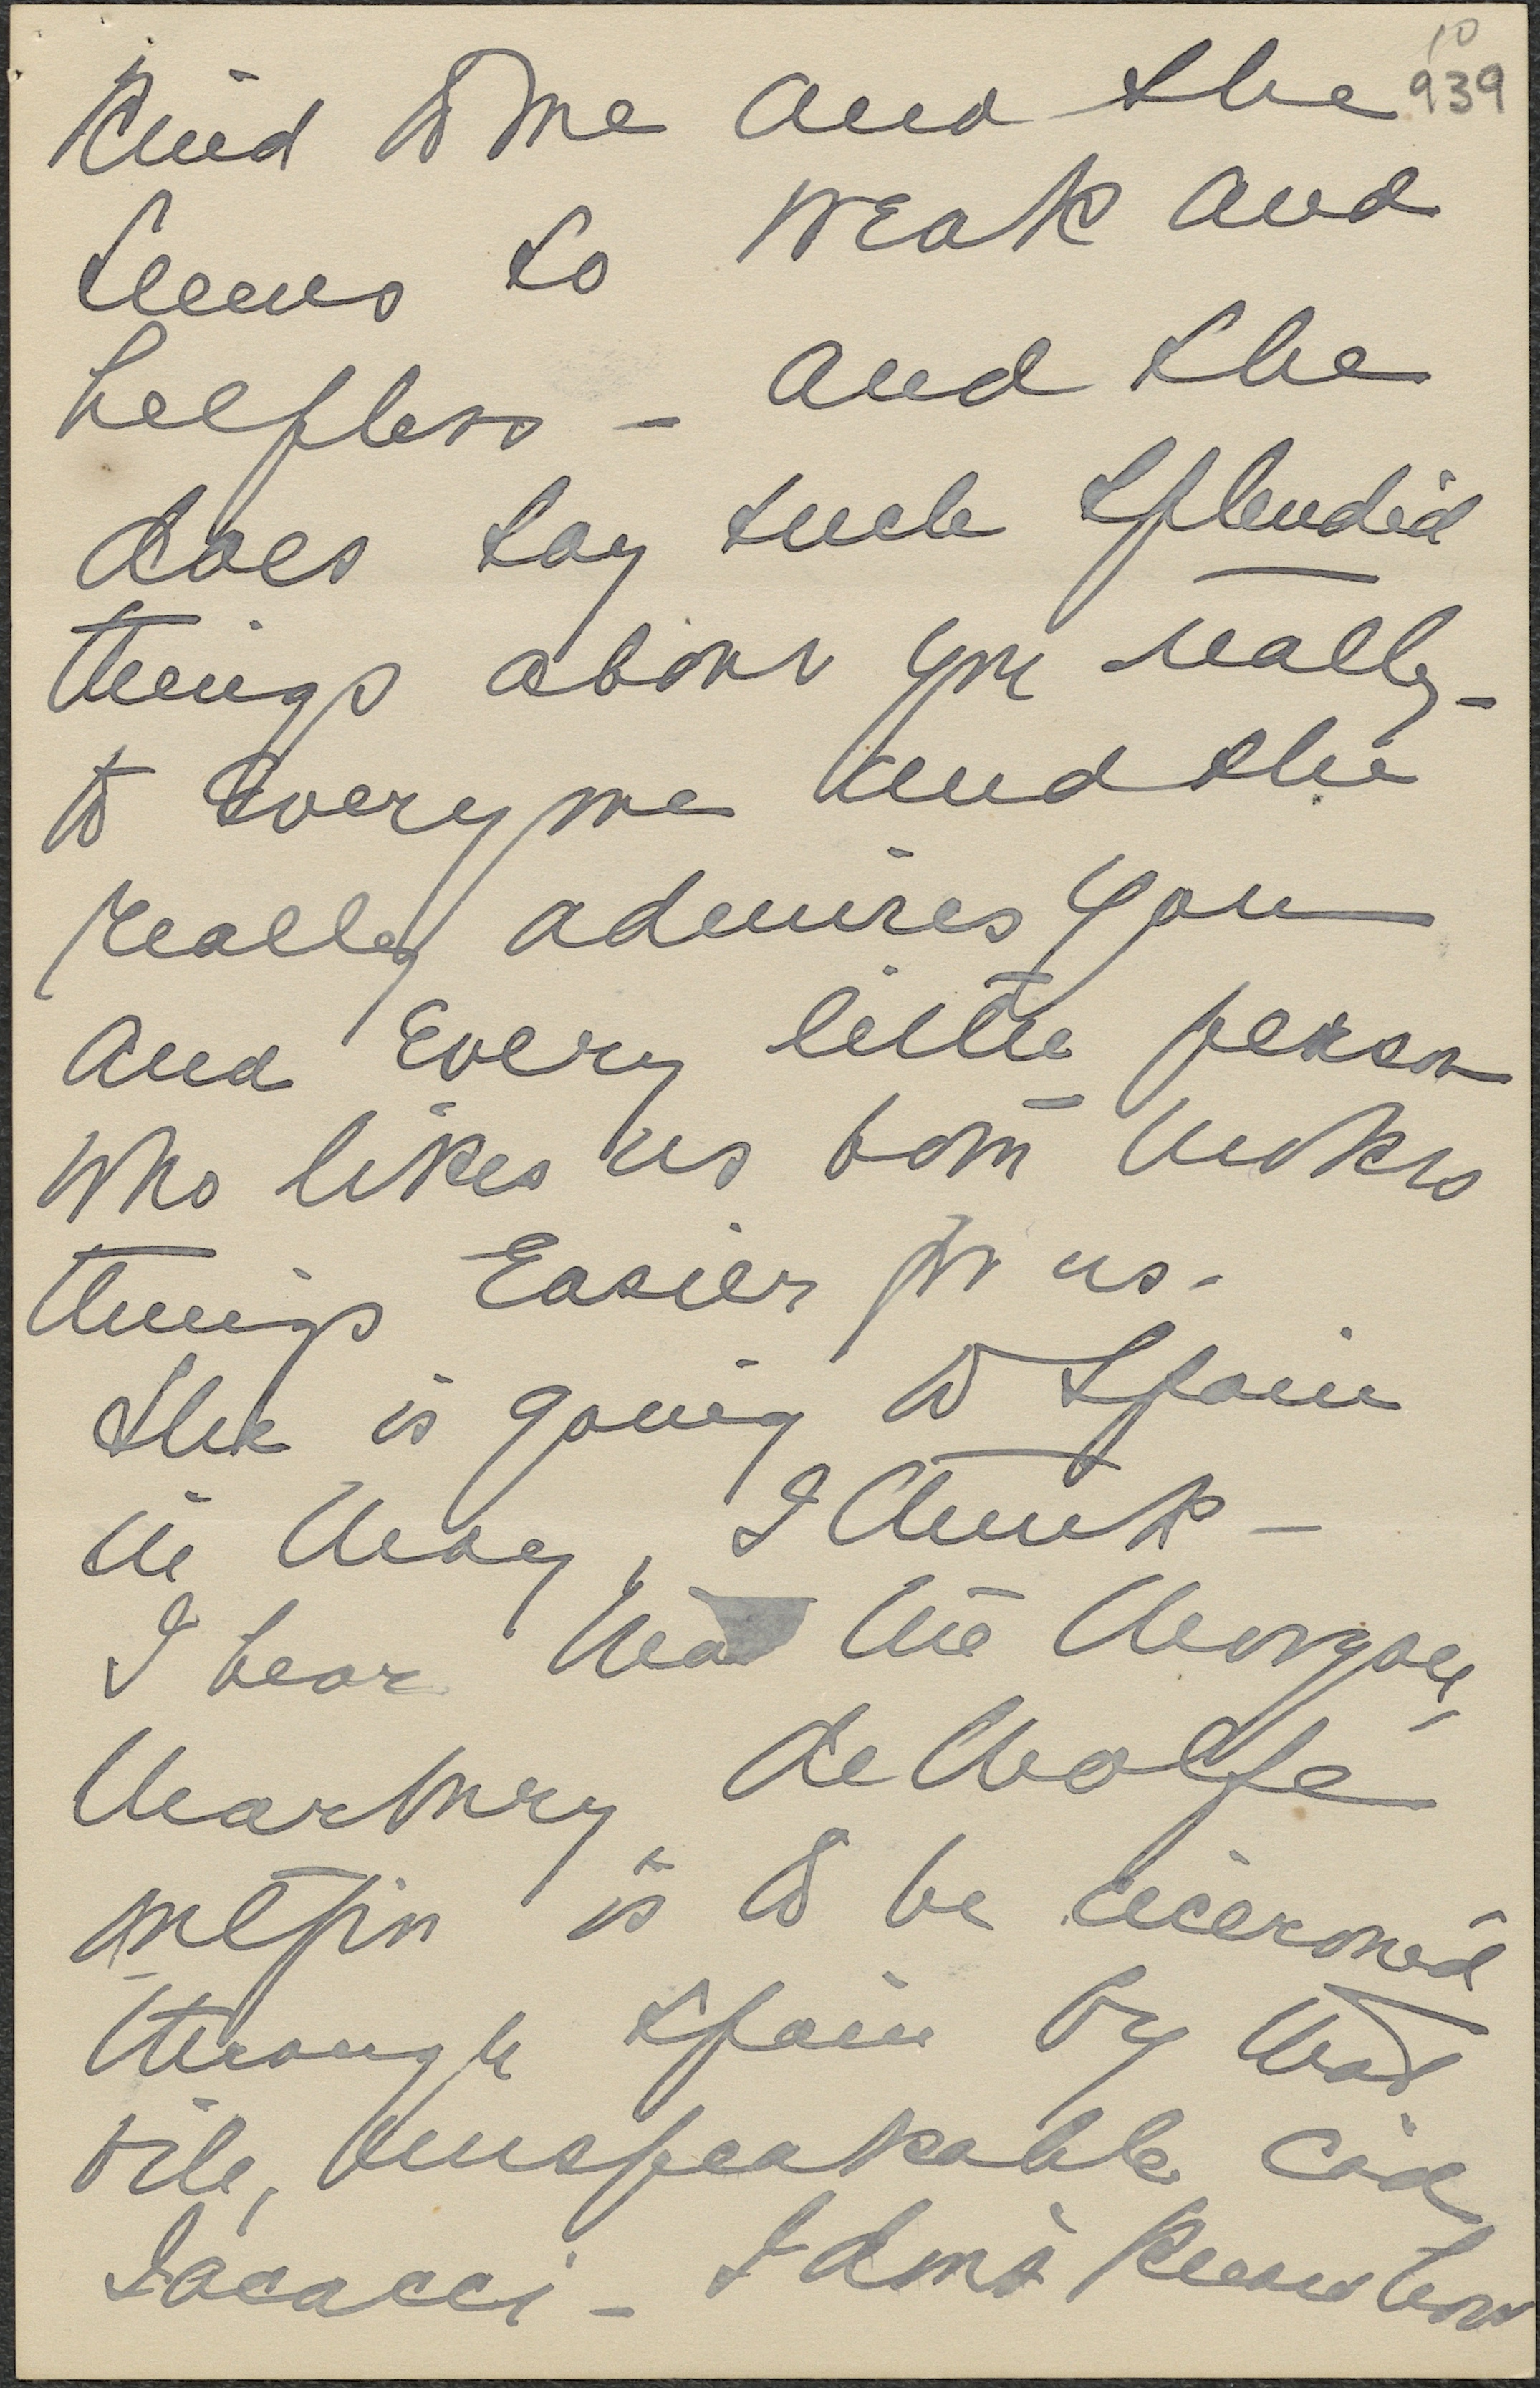kind to me and she seems so weak and helpless – and she does say such splendid things about you really – to everyone and she really admires you and every little person who likes us both makes things easier for us –
She is going to Spain in may, I think –
I hear that the Morgan, Marbury, de Wolfe outfit is to be ciceroned through Spain by that vile, unspeakable cad Jacacci – I don’t know how